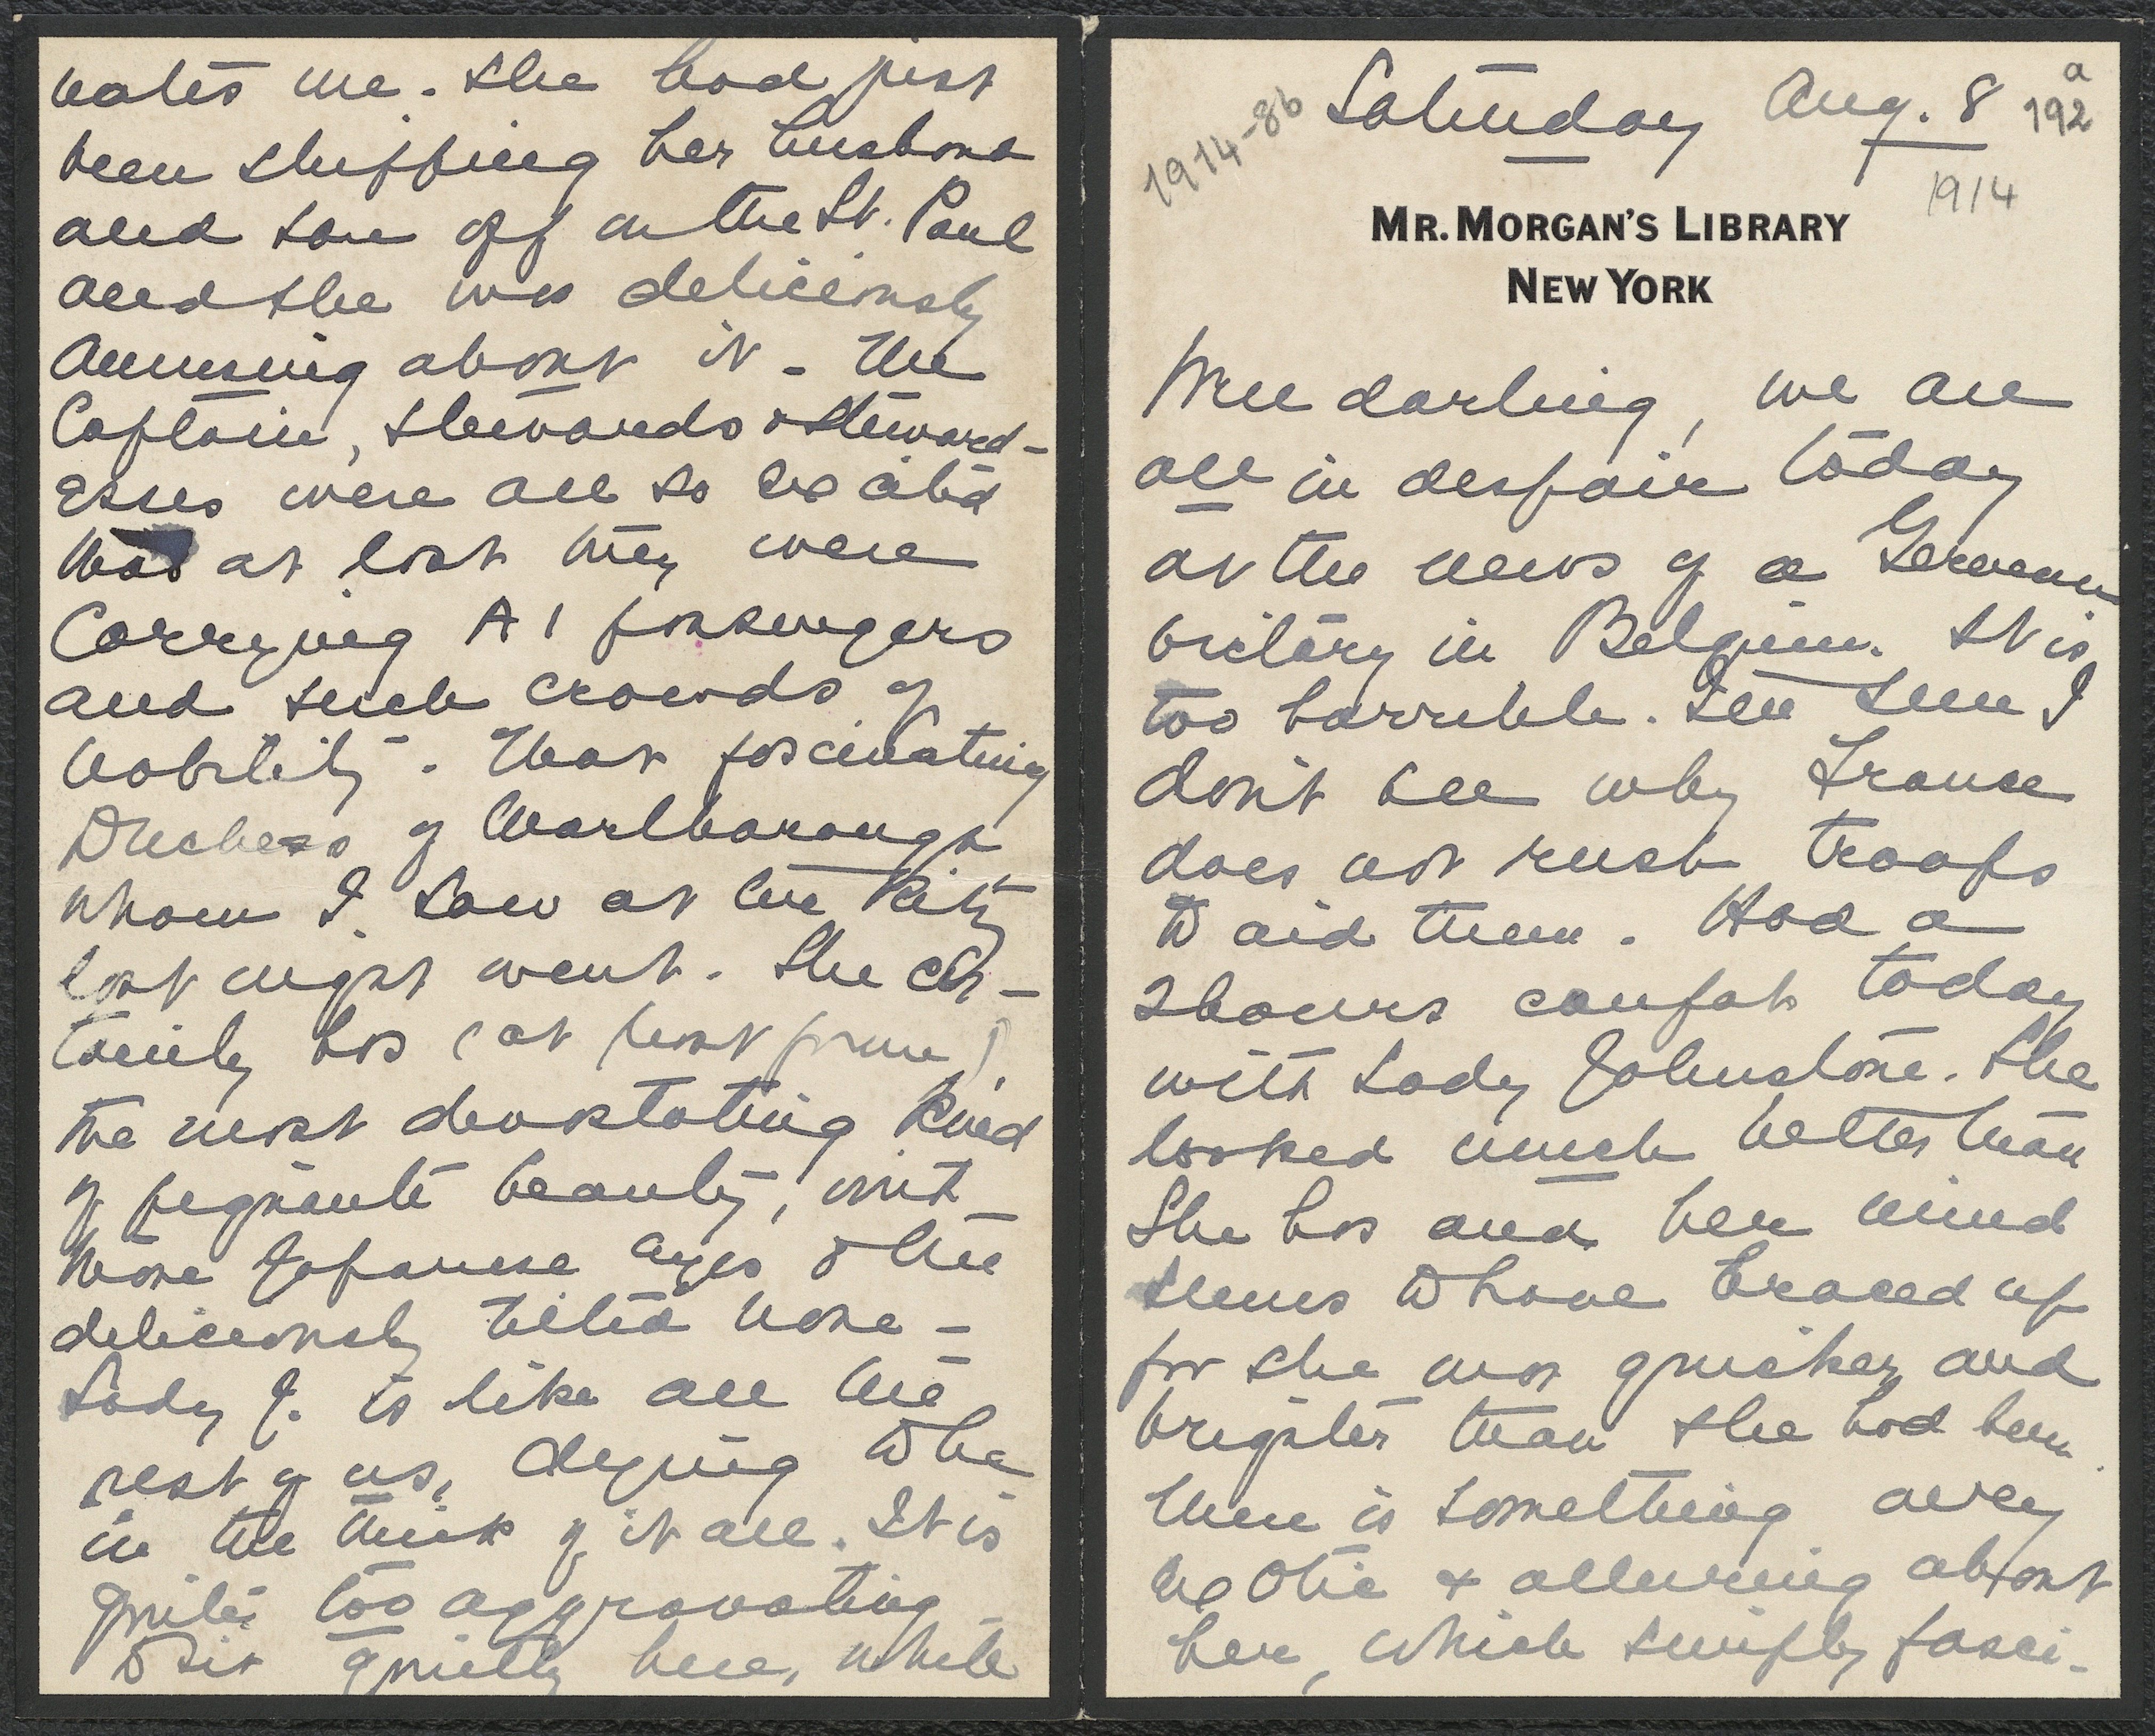Saturday Aug. 8
Well darling, we are all in despair today at the news of a German victory in Belgium. It is too horrible. I'm sure I don’t see why France does not rush troops to aid them. Had a 2 hours confab today with Lady Johnstone. She looked much better than she has and her mind seems to have braced up for she was quicker and brighter than she had been. There is something very exotic & alluring about her, which simply fascinates
me. She had just been shipping her husband and son off on the St. Paul and she was deliciously amusing about it – The Captain, stewards & stewardesses were all so excited that at last they were carrying A1 passengers and such crowds of nobility. That fascinating Duchess of Marlborough whom I saw at the Ritz last night went. She certainly has (at least for me), the most devastating kind of piquante beauty, with those Japanese eyes & the deliciously tilted nose – Lady J. is like all the rest of us, dying to be in the thick of it all. It is quite too aggravating to sit quietly here, while